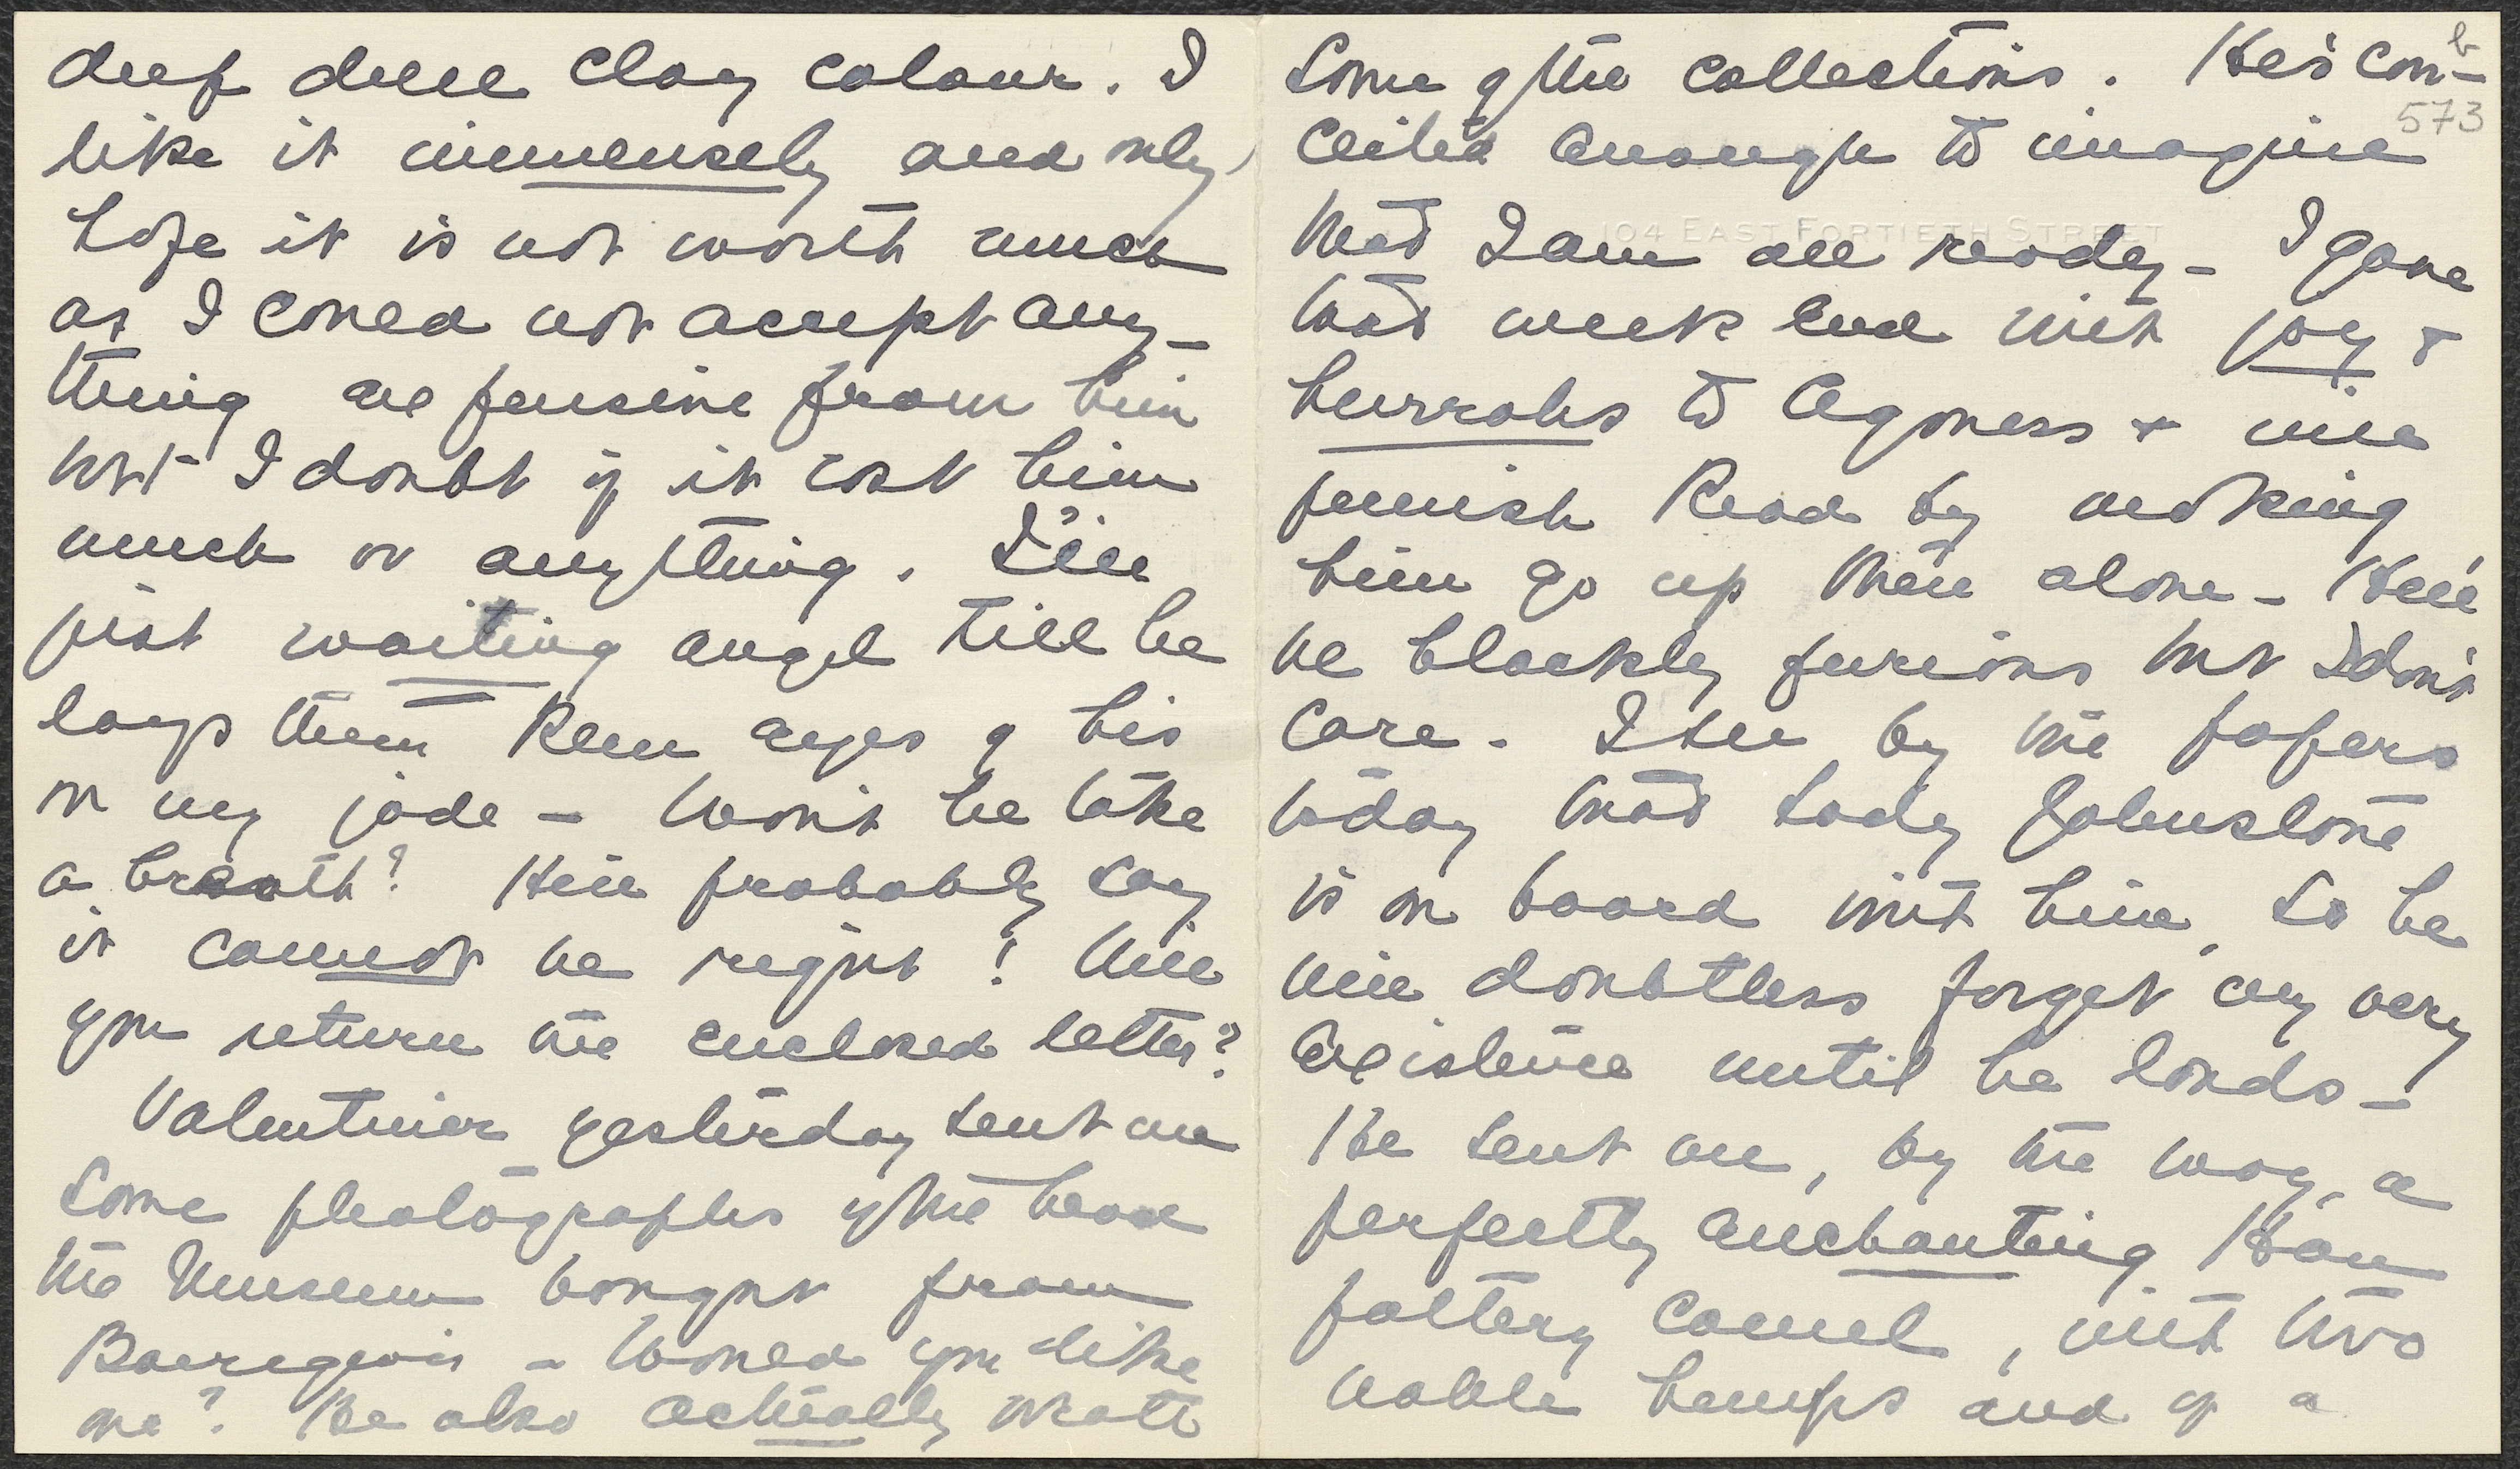some of the collections. He’s conceited enough to imagine that I am all ready – I gave that weekend with joy & hurrahs to Agoness & will punish Read by making him go up there alone – He’ll be blackly furious but I don’t care – I see by the papers today that Lady Johnstone is on board with him, so he will doubtless forget my very existence until he lands – He sent me, by the way, a perfectly enchanting Han pottery camel, with two noble humps and of a
deep dull clay colour. I like it immensely and only hope it is not worth much as I could not accept anything expensive from him but I doubt if it cost him much or anything. I’m just [double underlined: waiting] angel till he lays them keen eyes of his on my jade – Won’t he take a breath? He’ll probably say it cannot be right! Will you return the enclosed letter?
Valentiner yesterday sent me some photographs of the head the Museum bought from Bourgeois – Would you like one? He also actually wrote